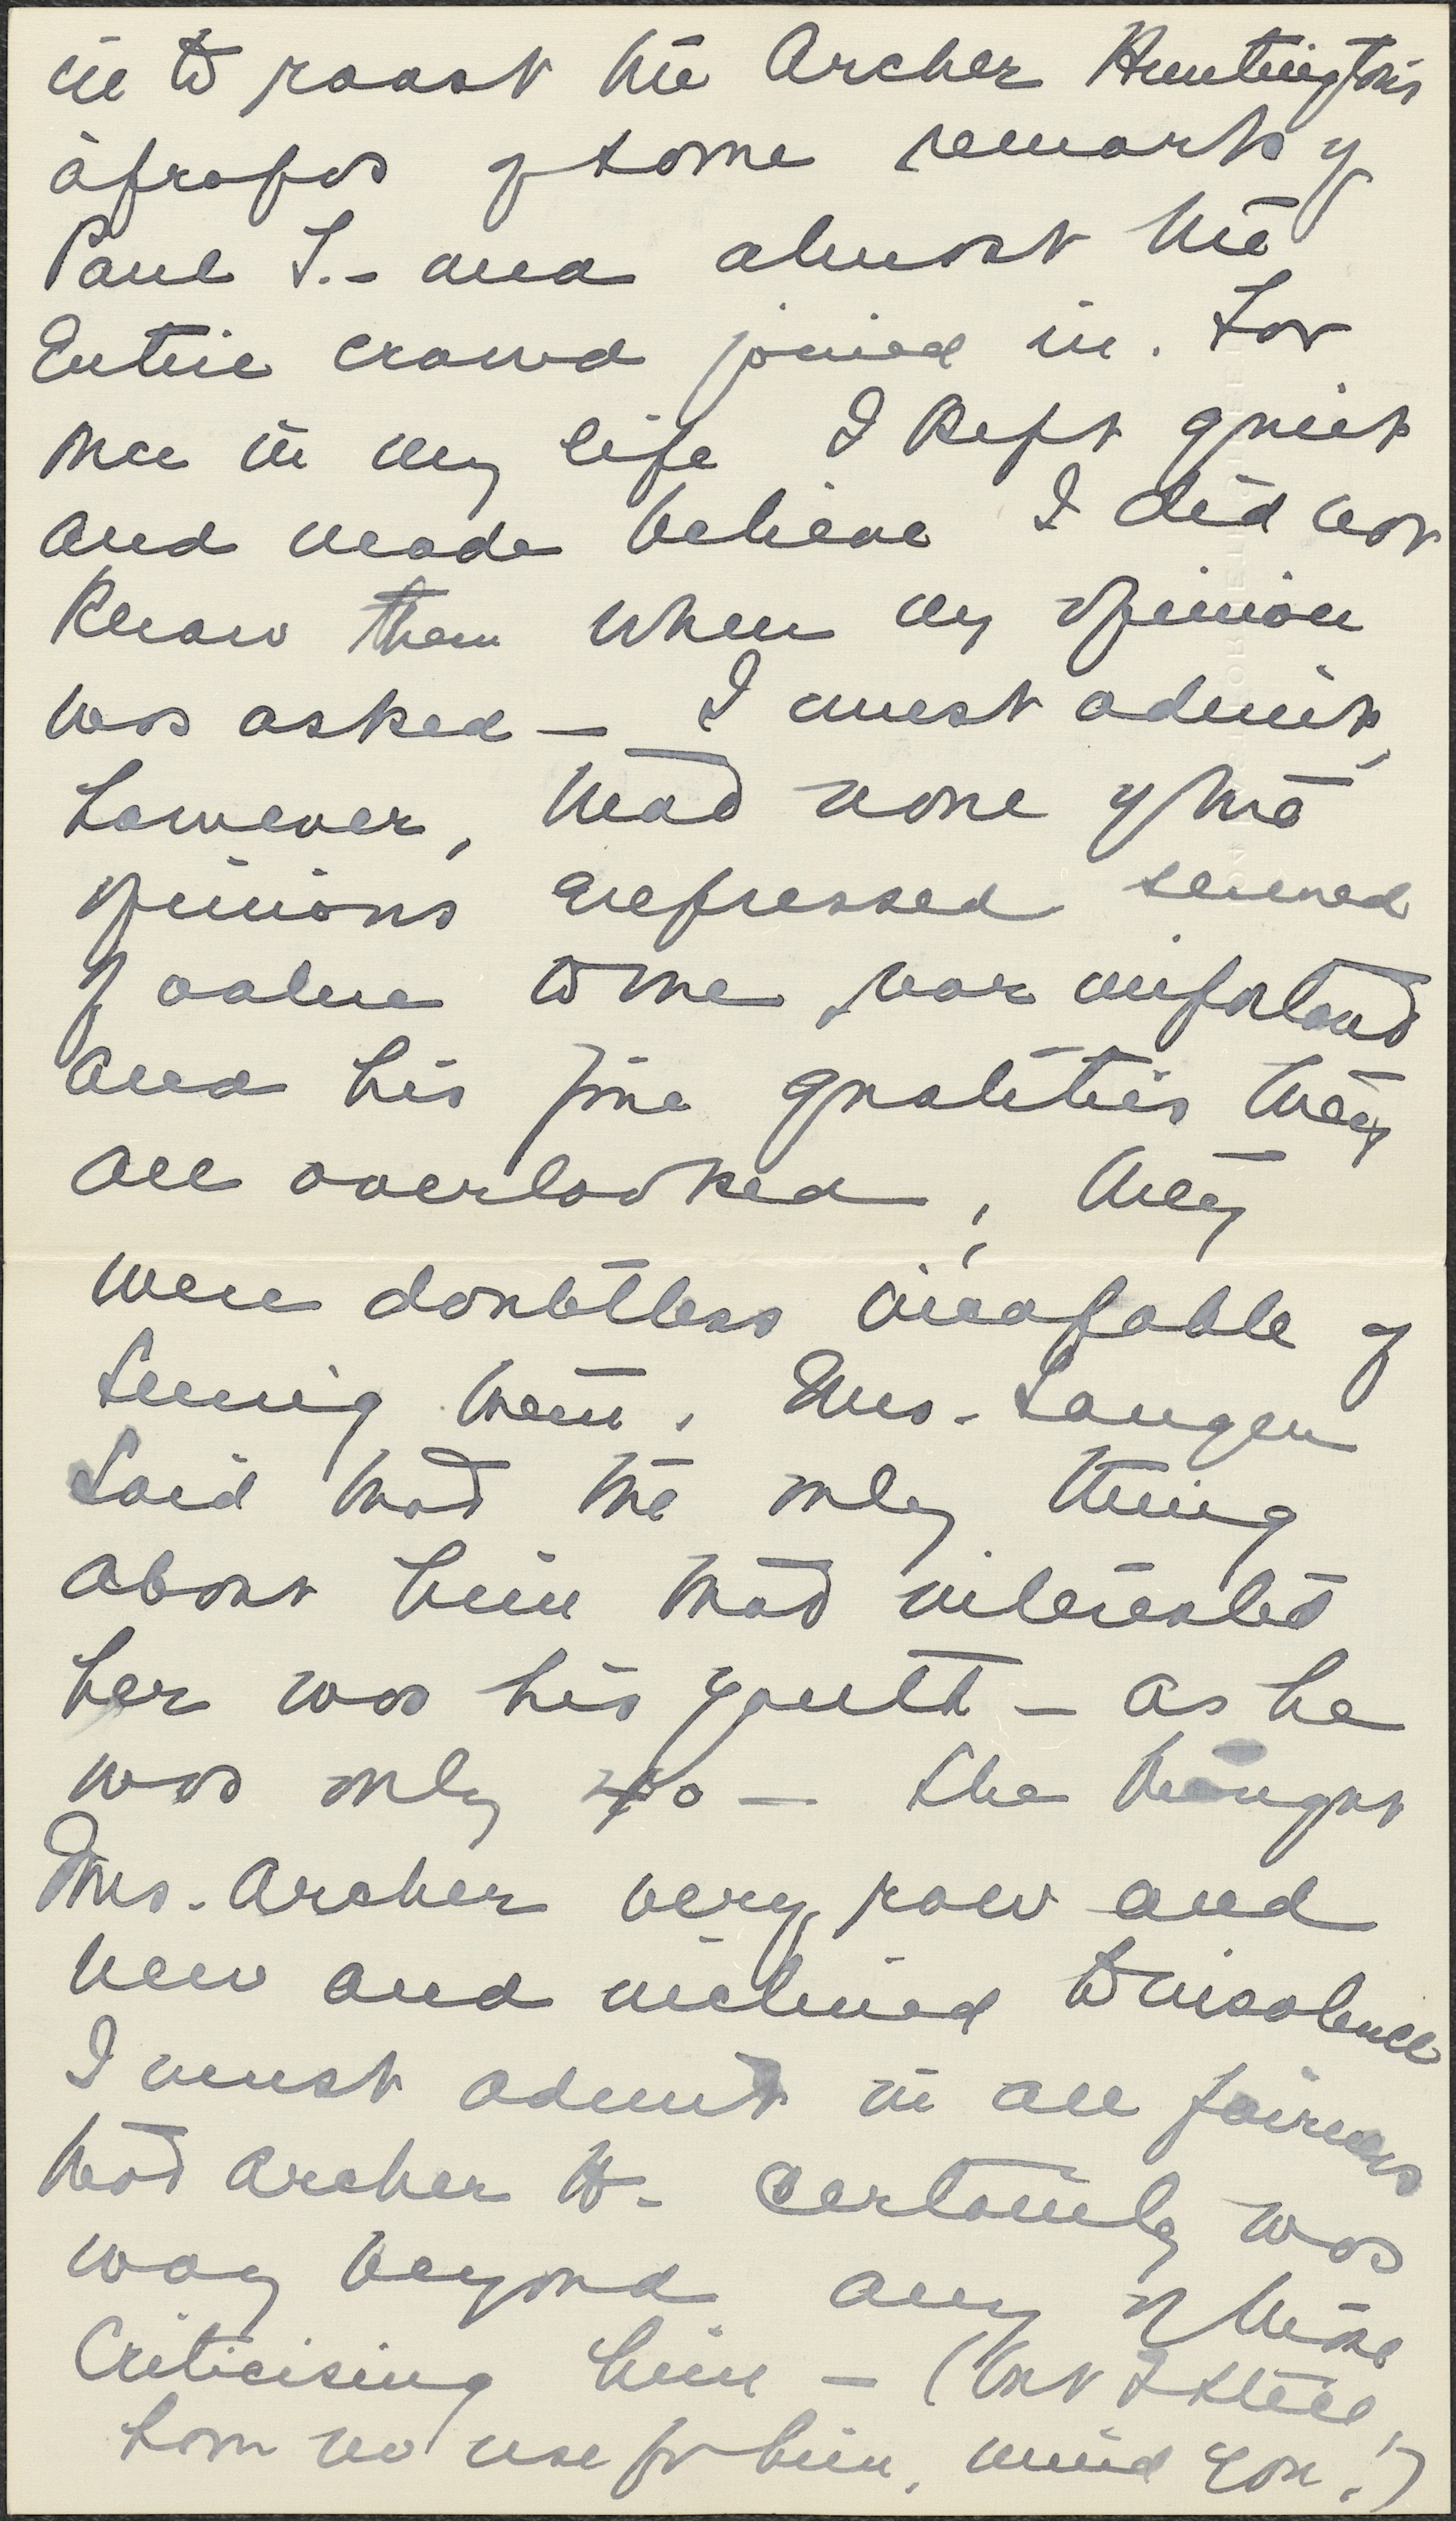in to roast the Archer Huntington à propos of some remarks of Paul T. – and almost the entire crowd joined in. For once in my life I kept quiet and made believe I did not know them when my opinion was asked – I must admit, however, that none of the opinions expressed seemed of value to me nor important and his fine qualities they all overlooked, they were doubtless incapable of seeing them. Mrs. Sanger said that the only thing about him that interested her was his youth – as he was only 40 – she thought Mrs. Archer very raw and new and inclined to insolence
I must admit in all fairness that Archer H. certainly was way beyond any of those criticizing him – (but I still have no use for him, mind you!)